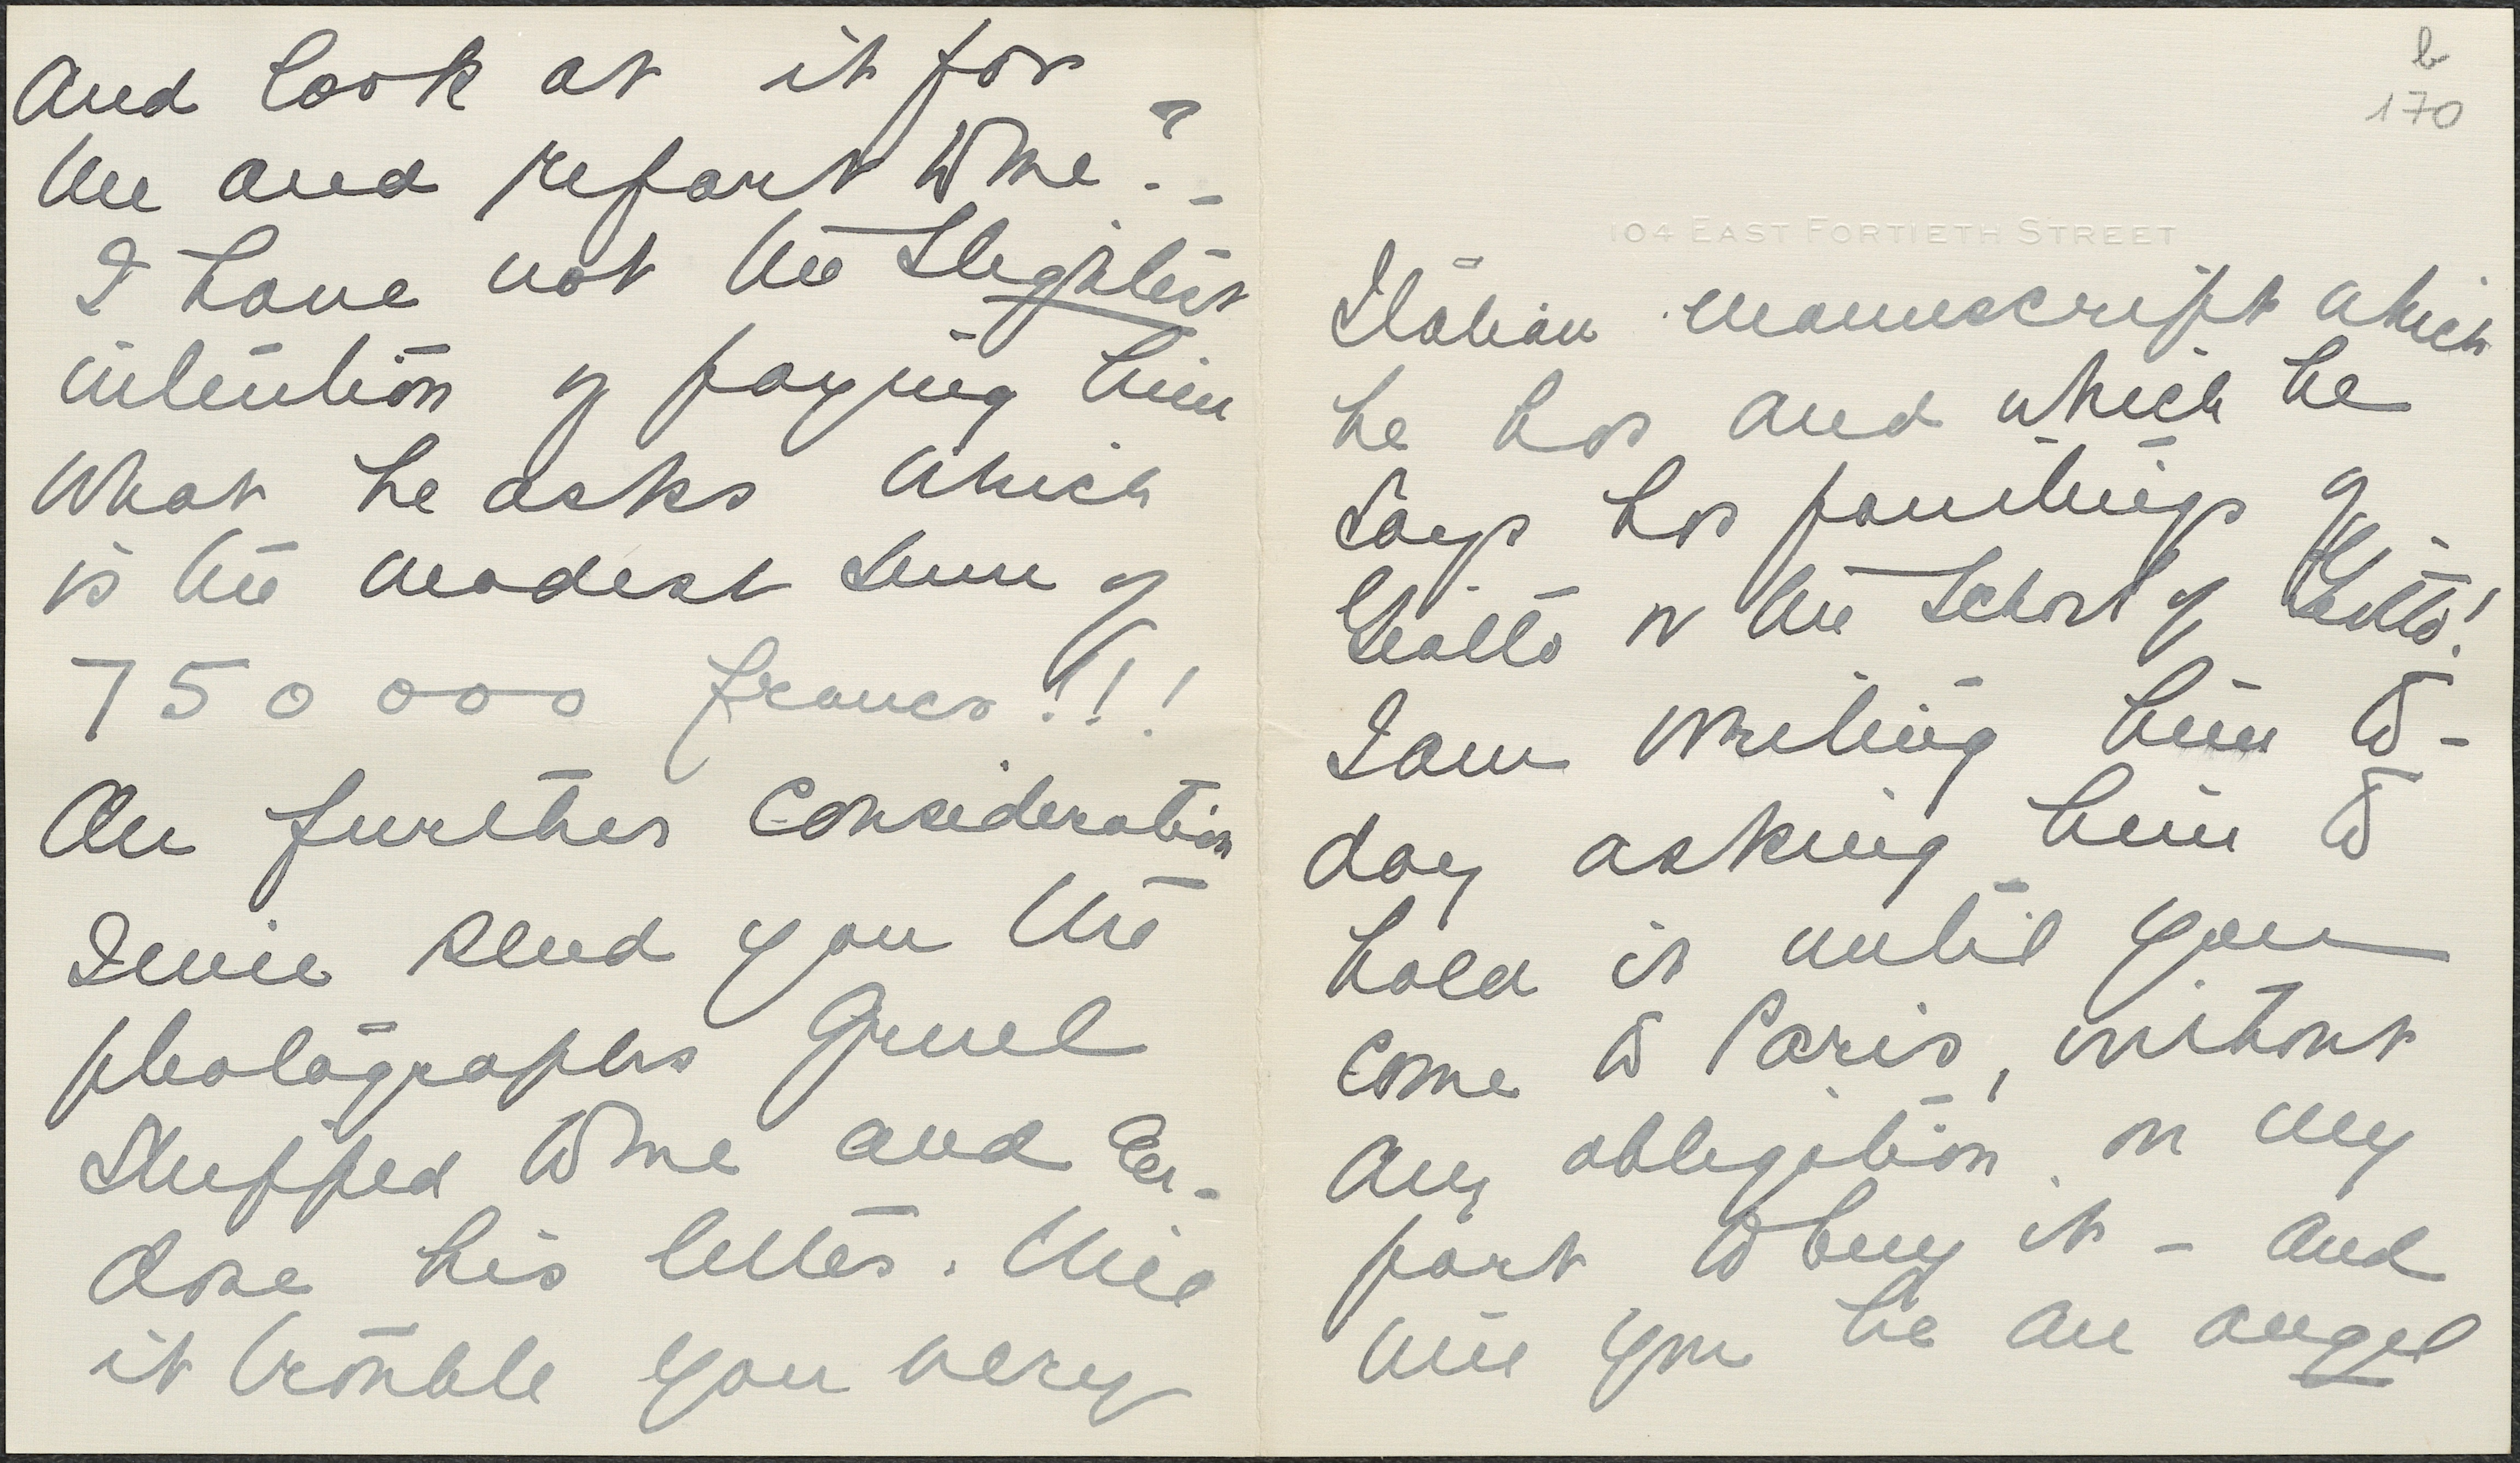Italian manuscript which he has and which he says has paintings of Giotto or the School of Giotto! I am writing him today asking him to hold it until you come to Paris, without any obligation on my part to buy it – and will you be an angel
and look at it for me and report to me? – I have not the slightest intention of paying him what he asks which is the modest sum of 750,000 francs!!! As further consideration I will send you the photographs Gruel shipped to me and enclose his letter. Will it trouble you very